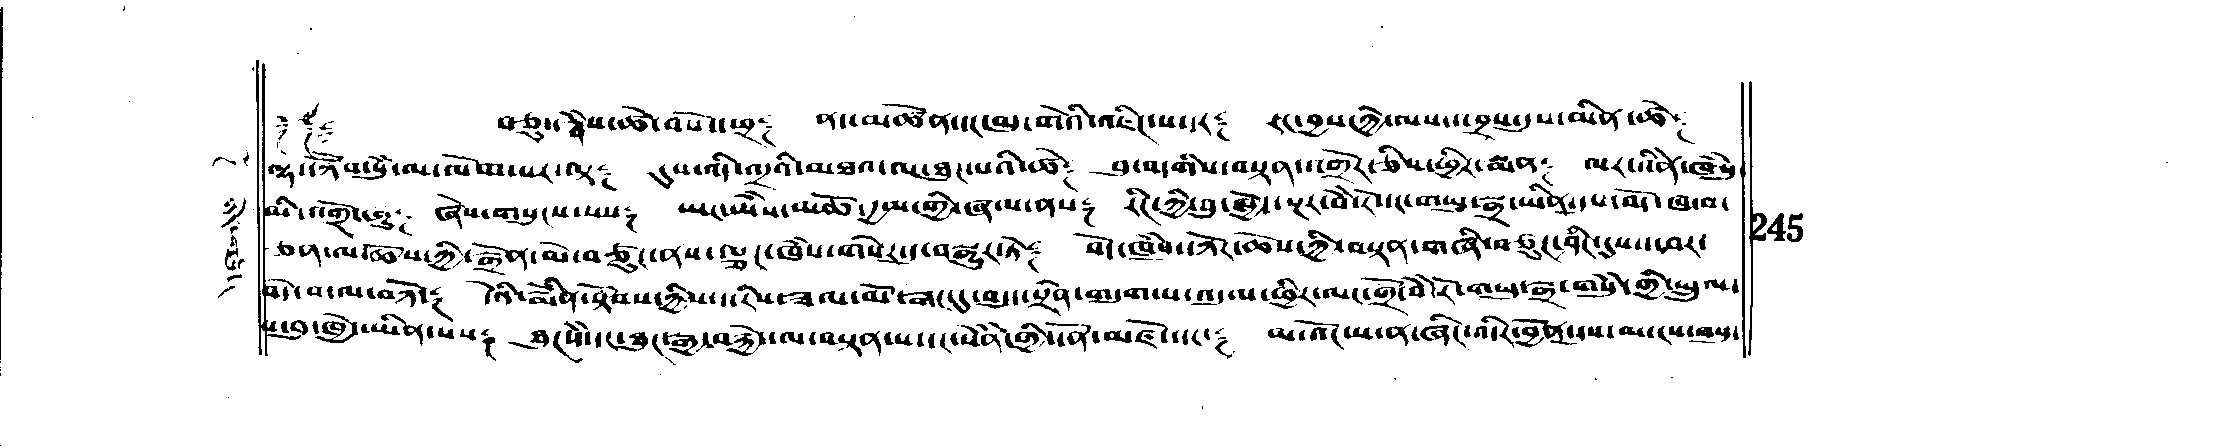བཅུད་ཉམས་ཚེ་བསོད་ཕྲ། །ནད་མཚོན་དང་མུ་གེའི་འཇིགས་པ་དར། །རང་བྱས་ཀྱི་ལས་འབྲས་དུས་མིན་ཚེ། །
ལྷ་དཀོན་མཆོག་གསུམ་ལ་ལེག་པར་ལྟ། །དུས་འདི་འདྲའི་མཐའ་ལ་ཐུག་པའི་ཚེ། །བུ་བདག་གིས་བསྟན་འགྲོར་ཅིས་ཕྱིར་སྨན། །ལར་འཇིག་རྟེན་ཁམས་སུ་
མི་འགྲོ་ཞུ། །ཞེས་གསུངས་པས། ཡང་ཡེ་ཤེས་མཚོ་རྒྱལ་གྱི་ཞལ་ནས། རིགས་ཀྱི་བུ་ཁྱོད་སྔར་བཻ་རོ་དང་གཡུ་སྒྲ་ཡིན་དུས་བོད་ཁ་བ་
ཅན་ལ་ཆོས་ཀྱི་སྒྲོན་མེ་བཙུགས་ནས་ལྕགས་ཁམས་གསེར་དུ་བསྒྱུར་ཏེ། བོད་ཁམས་དཀར་པོ་ཆོས་ཀྱི་བསྟན་གཞི་བཙུགས་ཤིང་དུས་ད་བར་
བདེ་བ་ལ་བཀོད། དེའི་སྨོན་ལམ་སྟོབས་ཀྱིས་ད་རིས་ཟལ་མོ་སྒང་དུ་བདུད་སྲིན་གདུག་པ་འདུལ་ཕྱིར་ལང་གྲོ་བཻ་རོ་གཡུ་སྒྲ་གསུམ་གྱི་སྤྲུལ་
པ་བུ་ཁྱེད་ཡིན་པས། ཐུགས་བསམ་དང་ཐུགས་རྒྱ་བསྐྱེད་ལ་བསྟན་པ་དང་སེམས་ཅན་གྱི་དོན་མཛོད་དང་། མ་འོངས་པ་ན་ཞིང་འདིར་བྱོན་དུས་མ་ངས་བསུ་